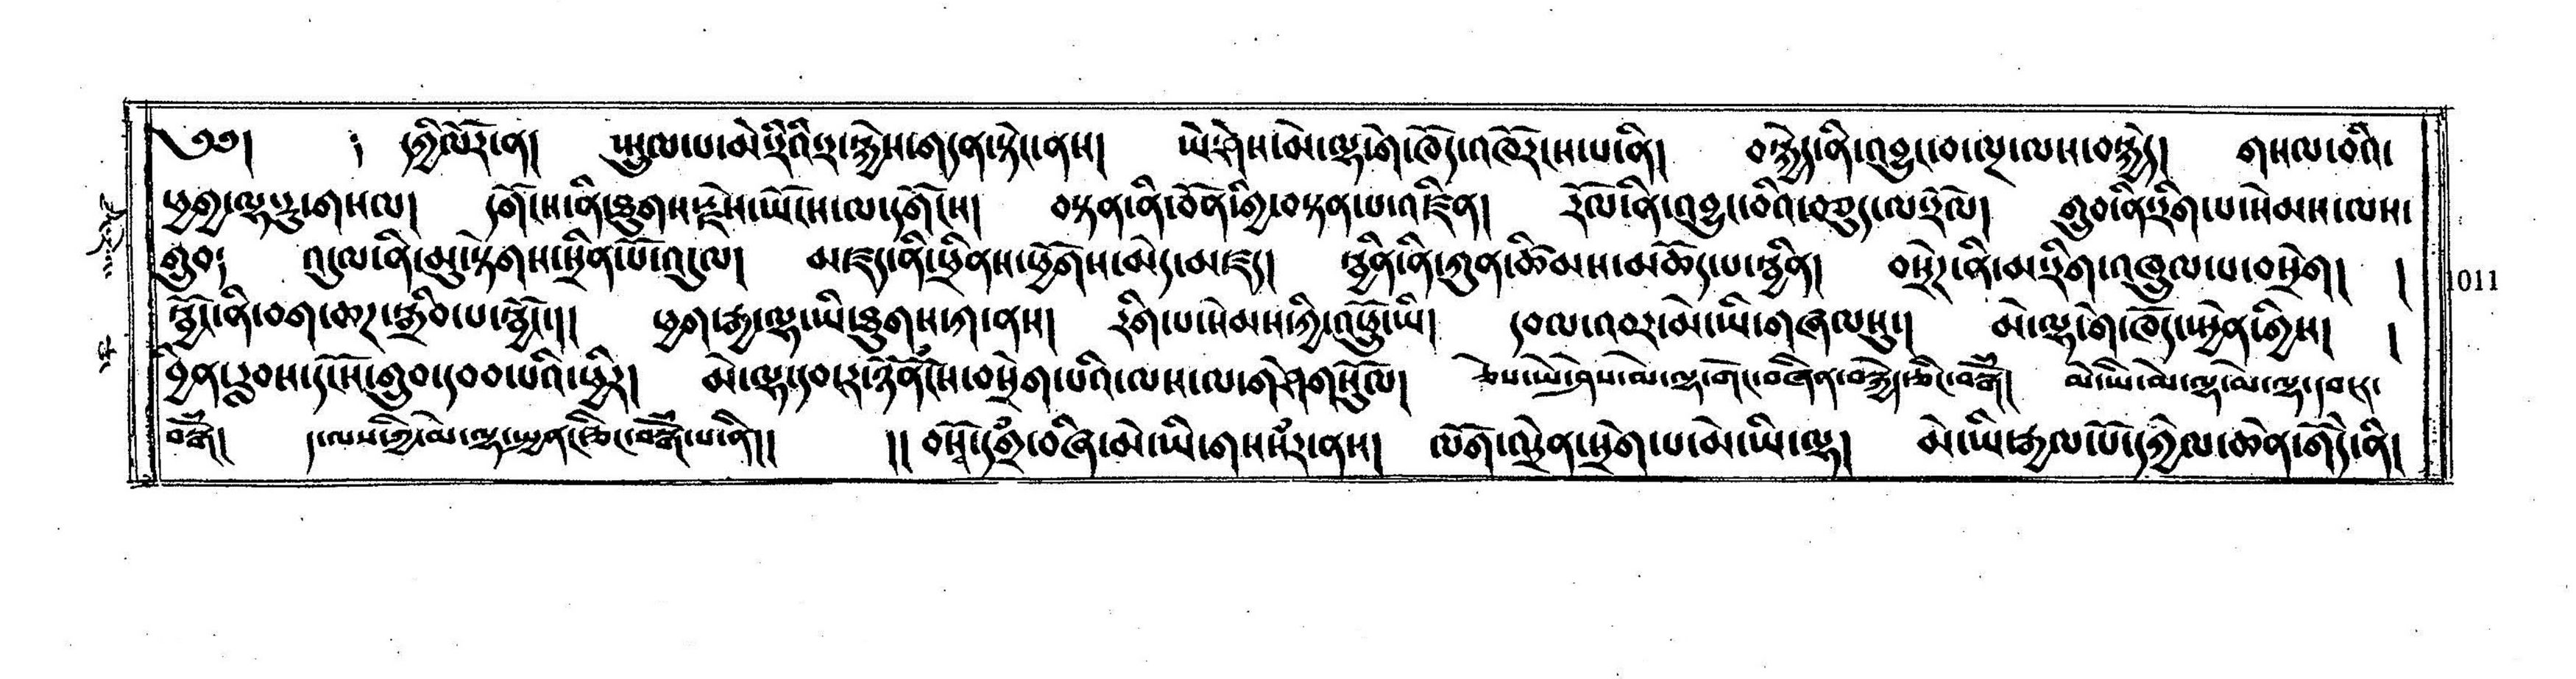དཀྱིལ་འཁོར་ན། སྤྲུལ་པ་མེ་རིའི་ར་སྐྱེས་གདན་སྟེང་ནས། ཡེ་ཤེས་མེ་ལྷ་གེ་ཁོད་འཁོར་དང་བཅས་པ་ནི། བསྐྱེད་ནི་འབྱུང་བ་ལྔ་ལས་བསྐྱེད། གསལ་བའི་
ཕྱག་རྒྱ་ལྷ་རུ་གསལ། དགོངས་ནི་ཐུགས་རྗེས་ཡོངས་ལ་དགོངས། བསྟན་ནི་བོན་གྱི་བསྟན་པ་འཛིན། རོལ་ནི་འབྱུང་བའི་བཅུད་ལ་རོལ། གྲུབ་ནི་རིག་པ་སེམས་ལས་
གྲུབ། འདུལ་ནི་མུ་སྟེགས་སྲིན་པོ་འདུལ། མཛད་ནི་ཕྲིན་ལས་ཕྱོགས་མེད་མཛད། སྦྱིན་ནི་ཀུན་ཚིམས་མཆོད་པ་སྦྱིན། བསྲེགས་ནི་མ་རིག་འཁྲུལ་པ་བསྲེག །
སྦྱོང་ནི་བག་ཆགས་སྒྲིབ་པ་སྦྱོང་།། ཕྱག་རྒྱ་ལྷ་ཡི་ཐུགས་ཀ་ནས། རིག་པ་སེམས་ཀྱི་འཕྲོ་འདུ་ཡི། དབལ་འབར་མེ་ཡི་གཞལ་ཡས་སུ། མེ་ལྷ་གེ་ཁོད་སྤྱན་འདྲེན་གྱིས། 
བྱིན་རླབས་དངོས་གྲུབ་དབབ་པའི་ཕྱིར། མེ་ལྷ་དབང་བསྐུར་ཉོན་མོངས་བསྲེག་པའི་ལས་ལ་གཤེགས་སུ་གསོལ། ཅེས་ཡེ་ཤེས་མེ་ལྷ་གོང་བཞིན་བསྐྱེད་ཅིང་བསྒོམ། མེ་ཡི་མེ་ལྷ་མེ་ལྷ་དབང་བསྐུར་
བསྒོམ། ད་ལས་ཀྱི་མེ་ལྷ་སྤྱན་དྲངས་ཅིང་བསྒོམ་པ་ནི།། །།བསྭོ་དགྲཾ་བཞི་མེ་ཡི་གསས་མཁར་ནས། ལོག་འདྲེན་སྲེག་པ་མེ་ཡི་ལྷ། མེ་ཡི་རྒྱལ་པོ་དཀྱིལ་ཆེན་གེ་ཁོད་ནི།